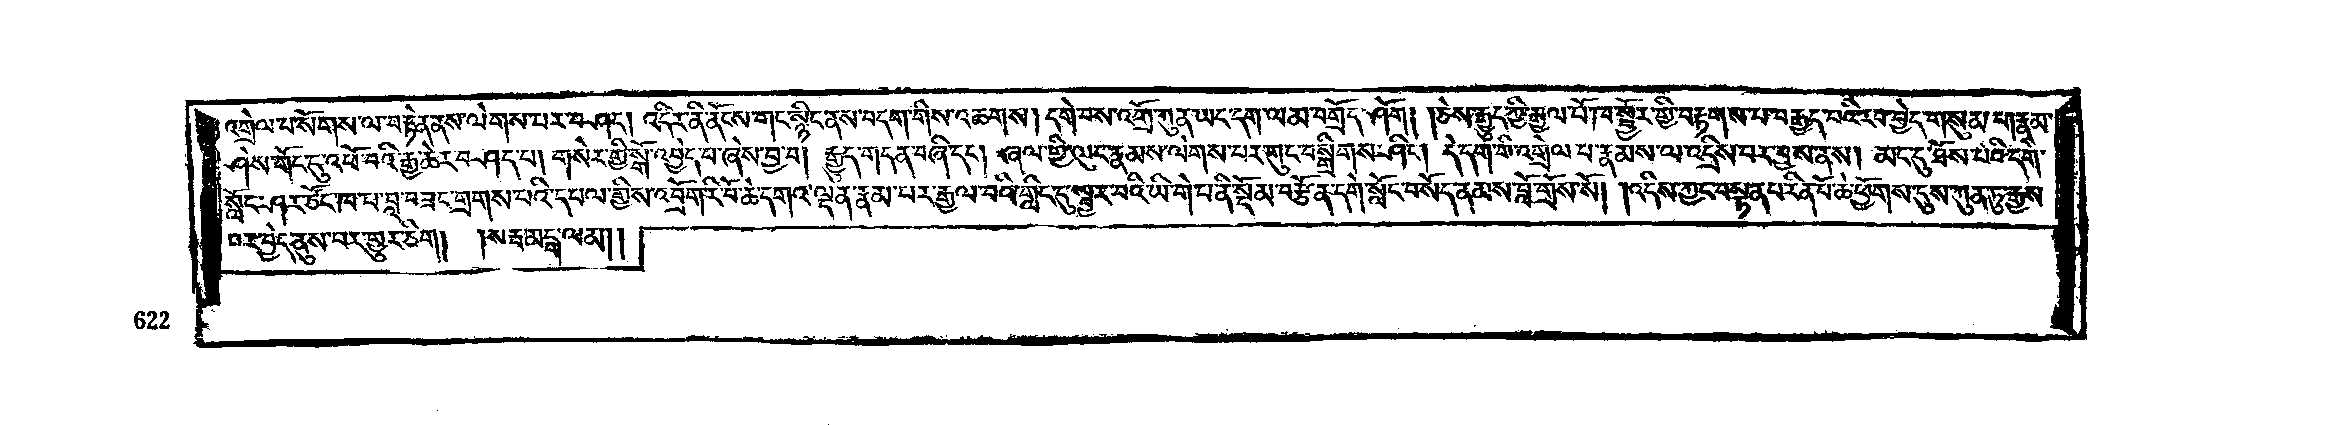འགྲེལ་པ་སོགས་ལ་བརྟེན་ནས་ལེགས་པར་བཤད། འདིར་ནི་ནོངས་གང་སྙིང་ནས་བདག་གིས་འཆགས། དགེ་བས་འགྲོ་ཀུན་ཡང་དག་ལམ་བགྲོད་ཤོག། །ཅེས་རྒྱུད་ཀྱི་རྒྱལ་པོ་ཁ་སྦྱོར་གྱི་བརྟགས་པ་བརྒྱད་པའི་རབ་བྱེད་གསུམ་པ། རྣམ་
ཤེས་གོང་དུ་འཕོ་བའི་རྒྱ་ཆེར་བཤད་པ། གསེར་གྱི་སྒོ་འབྱེད་པ་ཞེས་བྱ་བ། རྒྱུད་གདན་བཞི་དང་། ཞལ་གྱི་ལུང་རྣམས་ལེགས་པར་གུང་བསྒྲིགས་ཤིང་། དེ་དག་གི་འགྲེལ་པ་རྣམས་ལ་འདྲིས་པར་བྱས་ནས། མང་དུ་ཐོས་པའི་དགེ་
སློང་ཤར་ཙོང་ཁ་པ་བློ་བཟང་གྲགས་པའི་དཔལ་གྱིས་འབྲོག་རི་བོ་ཆེ་དགའ་ལྡན་རྣམ་པར་རྒྱལ་བའི་གླིང་དུ་སྦྱར་བའི་ཡི་གེ་པ་ནི་སྡོམ་བརྩོན་དགེ་སློང་བསོད་ནམས་བློ་གྲོས་སོ། །འདིས་ཀྱང་བསྟན་པ་རིན་པོ་ཆེ་ཕྱོགས་དུས་ཀུན་ཏུ་རྒྱས་
བར་བྱེད་ནུས་པར་གྱུར་ཅིག། །སརྦ་མངྒ་ལམ།